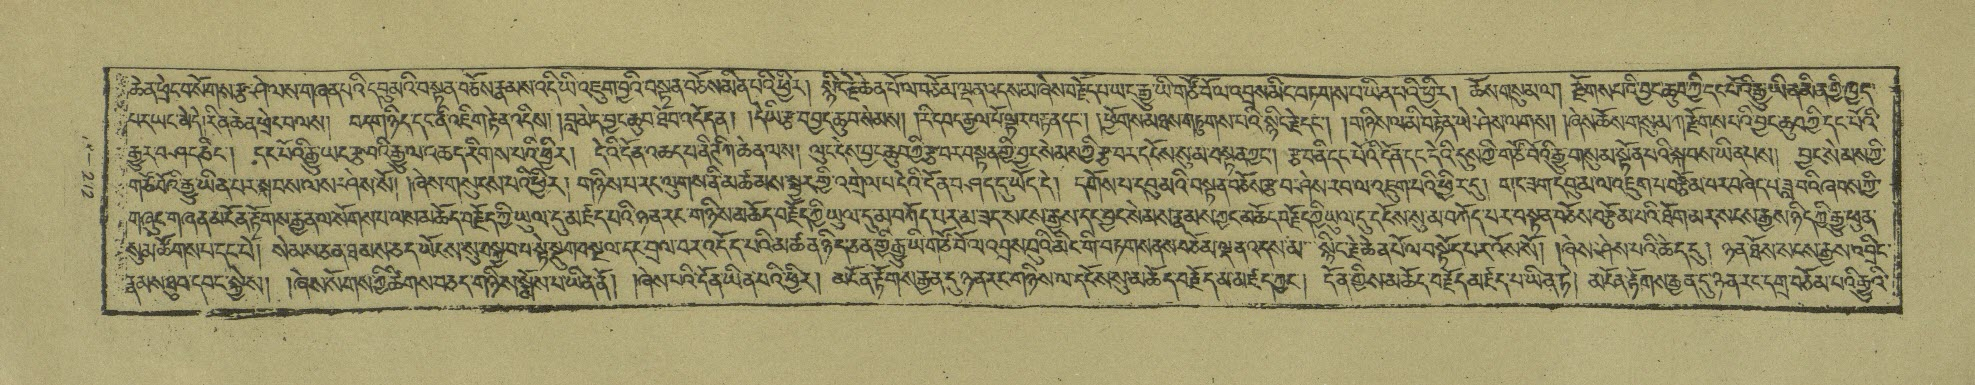ཆེན་ཕྲེང་བ་སོགས་རྩ་ཤེ་ལས་གཞན་པའི་དབུ་མའི་བསྟན་བཅོས་རྣམས་འདི་ཡི་འཇུག་བྱའི་བསྟན་བཅོས་མིན་པའི་ཕྱིར། སྙིང་རྗེ་ཆེན་པོ་ལ་བཅོམ་ལྡན་འདས་མ་ཞེས་བརྗོད་པ་ཡང་རྒྱུ་ཡི་གཙོ་བོ་ལ་འབྲས་མིང་བཏགས་པ་ཡིན་པའི་ཕྱིར། ཆོས་གསུམ་ལ། རྫོགས་པའི་བྱང་ཆུབ་ཀྱི་དང་པོའི་རྒྱུ་ཡིན་མིན་གྱི་ཁྱད་
བར་ཡང་མེད་དེ་རིན་ཆེན་ཕྲེང་བ་ལས། བདག་ཉིད་དང་ནི་འཇིག་རྟེན་འདིས། །བླ་མེད་བྱང་ཆུབ་ཐོབ་འདོད་ན། །དེ་ཡི་རྩ་བ་བྱང་ཆུབ་སེམས། །རེ་དབང་རྒྱལ་བོ་ལྟར་བརྟན་དང་། །ཕྱོགས་མཐས་གཏུགས་པའི་སྙིང་རྗེ་དང་། །གཉིས་ལ་མི་བརྟེན་ཡེ་ཤེས་ལགས། །ཞེས་ཆོས་གསུམ་ཀ་རྫོགས་པའི་བྱང་ཆུབ་ཀྱི་དང་པོའི་
རྒྱུ་བཤད་ཅིང་། དང་པོའི་རྒྱུ་ཡང་རྩ་བའི་རྒྱུ་ལ་འཆད་རིགས་པའི་ཕྱིར། དེའི་དོན་འཆད་པ་ནི་ཊིག་ཆེན་ལས། ལུང་དེས་བྱང་ཆུབ་ཀྱི་རྩ་བར་བསྟན་གྱི་བྱང་སེམས་ཀྱི་རྩ་བར་དངོས་སུ་མ་བསྟན་ཀྱང་། རྩ་བ་ནི་དང་པོའི་དོན་དང་དེའི་དུས་ཀྱི་གཙོ་བོའི་རྒྱུ་གསུམ་སྟོན་པའི་སྐབས་ཡིན་པས། བྱང་སེམས་ཀྱི་
གཙོ་བོ་རྒྱུ་ཡིན་པར་སྐབས་ལས་ཤེས་སོ། །ཞེས་གསུངས་པའི་ཕྱིར། གཉིས་པ་རང་ལུགས་ནི་མཚམས་སྦྱར་གྱི་འགྲེལ་བ་དེའི་དོན་བཤད་དུ་ཡོད་དེ། དགོས་པ་དབུ་མའི་བསྟན་བཅོས་རྩ་བ་ཤེས་རབ་ལ་འཇུག་པའི་ཕྱིར་དུ། གང་ཟག་དབུ་མ་ལ་འཇུག་པ་བརྩོམ་པར་བཞེད་པ་ཟླ་བའི་ཞབས་ཀྱི་
གཞུང་གཞན་མངོན་རྟོགས་རྒྱན་ལ་སོགས་པ་ལས་མཆོད་བརྗོད་ཀྱི་ཡུལ་དུ་མཛད་པའི་ཉན་རང་གཉིས་མཆོད་བརྗོད་ཀྱི་ཡུལ་དུ་མ་བཀོད་པར་མ་ཟད་སངས་རྒྱས་དང་བྱང་སེམས་རྣམས་ཀྱང་མཆོད་བརྗོད་ཀྱི་ཡུལ་དུ་དངོས་སུ་མ་བཀོད་པར་བསྟན་བཅོས་བརྩོམ་པའི་ཐོག་མར་སངས་རྒྱས་ཉིད་ཀྱི་རྒྱུ་ཕུན་
སུམ་ཚོགས་པ་དང་བོ་སེམས་ཅན་ཐམས་ཅད་ཡོངས་སུ་བསྐྱབ་པ་སྟེ་སྡུག་བསྔལ་དང་བྲལ་བར་འདོད་པའི་མཚན་ཉིད་ཅན་གྱི་རྒྱུ་ཡི་གཙོ་བོ་ལ་འབྲས་བུའི་མིང་གི་བཏགས་ནས་བཅོམ་ལྡན་འདས་མ་སྙིང་རྗེས་ཆེན་པོ་ལ་བསྟོད་པར་འོས་སོ། །ཞེས་ཤེས་པའི་ཆེད་དུ། ཉན་ཐོས་སངས་རྒྱས་འབྲིང་
རྣམས་ཐུབ་དབང་སྐྱེས། །ཞེས་སོགས་ཀྱི་ཚིགས་བྖད་གཉིས་སྨོས་པ་ཡིན་ནོ། །ཞེས་པའི་དོན་ཡིན་པའི་ཕྱིར། མངོན་རྟོགས་རྒྱན་དུ་ཉན་རང་གཉིས་ལ་དངོས་སུ་མཆོད་བརྗོད་མ་མཛད་ཀྱང་། དོན་གྱིས་ཆོད་བརྗོད་མཛད་པ་ཡིན་ཏེ། མངོན་རྟོགས་རྒྱན་དུ་ཉན་རང་དགྲ་བཅོམ་པའི་རྒྱུའི་